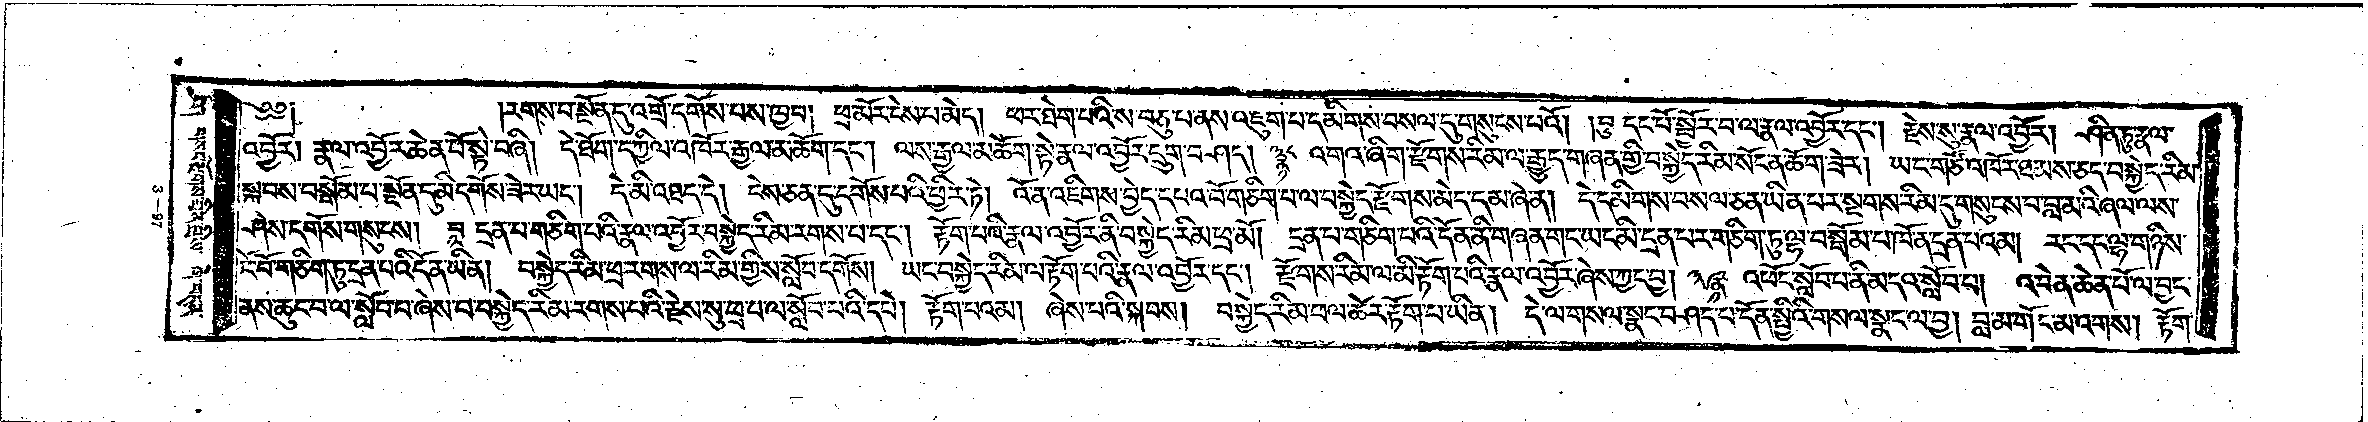༄༅། །རགས་བ་སྔོན་དུ་འགྲོ་དགོས་པས་ཁྱབ། ཕྲ་མོར་ངེས་པ་མེད། ཕར་ཐེག་པའི་ས་བཅུ་པ་ནས་འཇུག་པ་དམིགས་བསལ་དུ་གསུངས་པའོ། །བ༦་དང་པོ་སྦྱོར་བ་ལ་རྣལ་འབྱོར་དང་། རྗེས་སུ་རྣལ་འབྱོར། ཤིན་ཏུ་རྣལ་
འབྱོར། རྣལ་འབྱོར་ཆེན་པོ་སྟེ་བཞི། དེ་ཐོག་དཀྱིལ་འཁོར་རྒྱལ་མཆོག་དང་། ལས་རྒྱལ་མཆོག་སྟེ་རྣལ་འབྱོར་དྲུག་བཤད། ༣༨ན༡་འགའ་ཞིག་རྫོགས་རིམ་ལ་རྒྱུད་གཞན་གྱི་བསྐྱེད་རིམ་སོང་ན་ཆོག་ཟེར། ཡང་གཙོ་འཁོར་ཐམས་ཅད་བསྐྱེད་རིམ་
སྐབས་བསྒོམ་པ་སྔོན་དུ་མི་དགོས་ཟེར་ཡང་། དེ་མི་འཐད་དེ། ངེས་ཅན་དུ་དགོས་པའི་ཕྱིར་ཏེ། འོ་ན་འཇིགས་བྱེད་དཔའ་བོ་གཅིག་པ་ལ་བསྐྱེད་རྫོགས་མེད་དམ་ཞེ་ན། དེ་དམིགས་བསལ་ཅན་ཡིན་པར་སྔགས་རིམ་དུ་གསུངས་པདམ་མའི་ཞལ་ལས་
ཤེས་དགོས་གསུངས། བ༢་དྲན་པ་གཅིག་པའི་རྣལ་འབྱོར་བསྐྱེད་རིམ་རགས་པ་དང་། རྟོག་པའི་རྣལ་འབྱོར་ནི་བསྐྱེད་རིམ་ཕྲ་མོ། དྲན་པ་གཅིག་པའི་དོན་ནི་གཞན་གང་ཡང་མི་དྲན་པར་གཅིག་ཏུ་ལྷ་བསྒོམ་པ་ཁོ་ན་དྲན་པའམ། རང་དང་ལྷ་གཉིས་
ངོ་བོ་གཅིག་ཏུ་དྲན་པའི་དོན་ཡིན། བསྐྱེད་རིམ་ཕྲ་རགས་ལ་རིམ་གྱིས་སློབ་དགོས། ཡང་བསྐྱེད་རིམ་ལ་རྟོག་པའི་རྣལ་འབྱོར་དང་། རྫོགས་རིམ་ལ་མི་རྟོག་པའི་རྣལ་འབྱོར་ཞེས་ཀྱང་བྱ། ༣༩ན༡་འཕོང་སློབ་པ་ནི་མདའ་སློབ་པ། འབེན་ཆེན་པོ་ལ་བྱང་
ནས་ཆུང་བ་ལ་སློབ་པ་ཞེས་པ་བསྐྱེད་རིམ་རགས་པའི་རྗེས་སུ་ཕྲ་པ་ལ་སློབ་པའི་དཔེ། རྟོག་པའམ། ཞེས་པའི་སྐབས། བསྐྱེད་རིམ་ཕལ་ཆོར་རྟོག་པ་ཡིན། དེ་ལ་གསལ་སྣང་བཤད་པ་དོན་སྤྱིའི་གསལ་སྣང་ལ་བྱ། བླ་མ་གོང་མ་འགས། རྟོག་